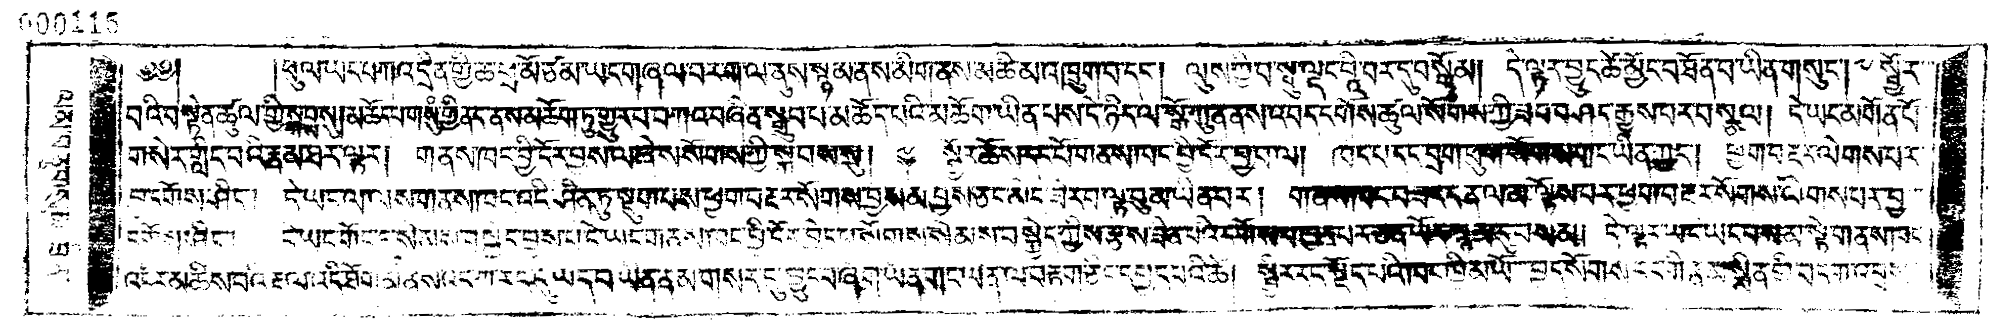༄༅། །ཕུལ་ཡང་བཀའ་དྲིན་གྱི་ཆ་ཕྲ་མོ་ཙམ་ཡང་གཞལ་བར་ག་ལ་ནུས་སྙམ་ནས་མིག་ནས་མཆི་མ་འཁྲུག་པ་དང་། ལུས་ཀྱི་བ་སྤུ་ལྡང་པའི་བར་དུ་བསྒོམ། དེ་ལྟར་བྱུང་ཚེ་མྱོང་བ་ཐོན་པ་ཡིན་གསུང་། ༧སྦྱོར་
བའི་བསྟེན་ཚུལ་གྱི་སྐབས་སུ། མཆོད་པ་གསུམ་གྱི་ནང་ནས་མཆོག་ཏུ་གྱུར་བ་བཀའ་བཞིན་སྒྲུབ་པ་མཆོད་པའི་མཆོག་ཡིན་པས་དེ་ཉིད་ལ་སྒོ་ཀུན་ནས་འབད་དགོས་ཚུལ་སོགས་ཀྱི་ཟབ་བཤད་རྒྱས་པར་བསྩལ། དེ་ཡང་མགོན་པོ་
གསེར་གླིང་བའི་རྣམ་ཐར་ལྟར། གནས་ཁང་བྱི་དོར་བྱས་ལ་ཞེས་སོགས་ཀྱི་སྐབས་སུ། ༈ སྦྱོར་ཆོས་དང་པོ་གནས་ཁང་བྱི་དོར་བྱ་བ་ལ། ཁང་པ་དང་བྲག་ཕུག་སོགས་གང་ཡིན་ཀྱང་། ཕྱག་བརྡར་ལེགས་པར་
བྱ་དགོས་ཤིང་། དེ་ཡང་ལ་ལས་གནས་ཁང་འདི་ཤིན་ཏུ་སྡུག་པས་ཕྱག་བརྡར་སོགས་བྱས་མ་བྱས་ཅང་མེད་ཟེར་བ་ལྟ་བུ་མ་ཡིན་པར། གནས་ཁང་བཟང་ངན་ལ་མ་ལྟོས་པར་ཕྱག་བརྡར་སོགས་ལེགས་པར་བྱ་
དགོས་ཤིང་། དེ་ཡང་གོང་དུ་སེམས་བསྐྱེད་བྱས་པ་དེ་ཡང་གནས་ཁང་བྱི་དོར་བྱེད་པ་སོགས་སེམས་བསྐྱེད་ཀྱིས་རྩིས་ཟིན་པའི་དགོས་པ་ཁྱད་པར་ཅན་ཡོད་སྙམ་དུ་བསམ། དེ་ལྟར་ཡང་ཡང་བསམ་སྟེ་གནས་ཁང་
འདིར་མཆིས་བའི་རྡུལ་འདི་ཐོག་མ་ནས་འདི་ཀ་རང་དུ་ཡོད་པ་ཡིན་ནམ་གསར་དུ་བྱུང་བ་ཞིག་ཡིན་གང་ཡིན་ལ་བརྟག་ཅིང་དཔྱད་པའི་ཚེ། སྤྱིར་རང་སྡོད་པའི་ཁང་ཁྱིམ་ཡོ་བྱད་སོགས་རང་གི་རྣམ་སྨིན་གྱི་བདག་འབྲས་